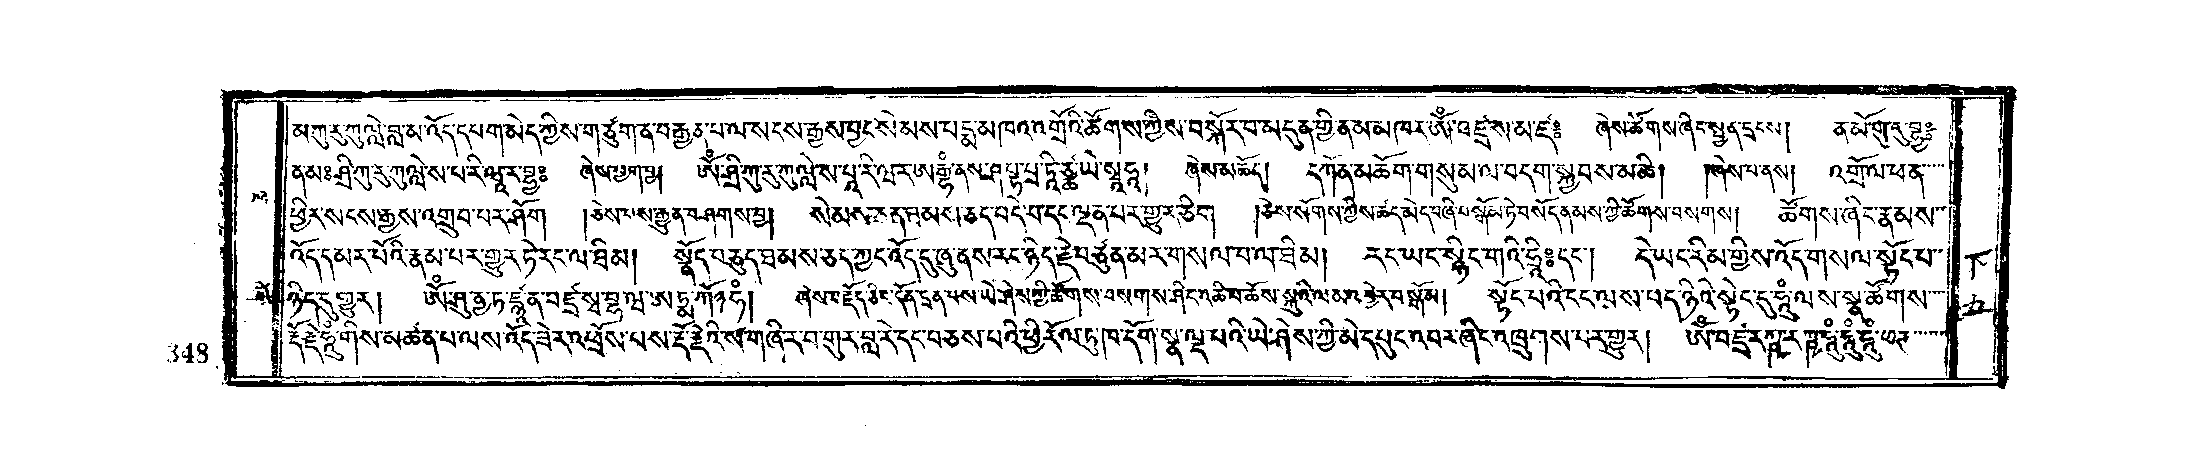མ་ཀུ་རུ་ཀུ་ལླེ་བླ་མ་འོད་དཔག་མེད་ཀྱིས་གཙུག་ན་བརྒྱན་པ་ལ་སངས་རྒྱས་བྱང་སེམས་པདམ་མཁའ་འགྲོའི་ཚོགས་ཀྱིས་བསྐོར་བ་མདུན་གྱི་ནམ་མཁར་ཨོཾ་བདྲ་ས་མ་ཛཿ ཞེས་ཚོགས་ཞིང་སྤྱན་དྲངས། ན་མོ་གུ་རུ་བྷྱཿ
ན་མཿ ཤྲི་ཀུ་རུ་ཀུ་ལླེ་ས་པ་རི་ཝཱ་ར་བྷྱཿ ཞེས་ཕྱག་བྱ། ཨོཾ་ཤྲི་ཀུ་རུ་ཀུ་ལླེ་ས་པཱ་རི་ཝ་ར་ཨརྒྷཾ་ནས་ཤྤྟ་པྲ་ཏཱི་ཙྪ་ཡེ་སྭཱཧཱ། ཞེས་མཆོད། དཀོན་མཆོག་གསུམ་ལ་བདག་སྐྱབས་མཆི། །ཞེས་པ་ནས། འགྲོ་ལ་ཕན་
ཕྱིར་སངས་རྒྱས་འགྲུབ་པར་ཤོག །ཅེས་པས་རྒྱུན་བཤགས་བྱ། སེམས་ཅན་ཐམས་ཅད་བདེ་བ་དང་ལྡན་པར་གྱུར་ཅིག །ཅེས་སོགས་ཀྱིས་ཚད་མེད་བཞི་བསྒོམ་ཏེ་བསོད་ནམས་ཀྱི་ཚོགས་བསགས། ཚོགས་ཞིང་རྣམས་
འོད་དམར་པོའི་རྣམ་པར་གྱུར་ཏེ་རང་ལ་ཐིམ། སྣོད་བཅུད་ཐམས་ཅད་ཀྱང་འོད་དུ་ཞུ་ནས་རང་ཉིད་རྗེ་བཙུན་མར་གསལ་བ་ལ་ཐིམ། རང་ཡང་སྙིང་གའི་ཧྲཱིཿ དང་། དེ་ཡང་རིམ་གྱིས་འོད་གསལ་སྟོང་པ་
ཉིད་དུ་གྱུར། ཨོཾ་ཤུ་ཉ་ཏ་ཛྙཱ་ན་བཛྲ་སྭ་བྷ་ཝ་ཨ་ཏམ་ཀོཉ་ཧཾ། ཞེས་བརྗོད་ཅིང་དོན་དྲན་པས་ཡེ་ཤེས་ཀྱི་ཚོགས་བསགས་ཤིང་འཆི་བ་ཆོས་སྐུའི་ལམ་འཕྱེར་བསྒོམ། སྟོང་པའི་ངང་ལས་པད་ཉིའི་སྟེང་དུ་ཧཱུཾ་ལས་སྣ་ཚོགས་
རྡོ་རྗེ་ཧཱུཾ་གིས་མཚན་པ་ལས་འོད་ཟེར་འཕྲོས་པས་རྡོ་རྗེའི་ས་གཞིར་བ་གུར་བླ་རེ་དང་བཅས་པའི་ཕྱི་རོལ་ཏུ་ཁ་དོག་སྣ་ལྔ་པའི་ཡེ་ཤེས་ཀྱི་མེ་དཔུང་འབར་ཞིང་འཁྲུགས་པར་གྱུར། ཨོཾ་བཛྲ་རཀྵ་རཀྵ་ཧཱུཾ་ཧཱུཾ་ཕཊ་